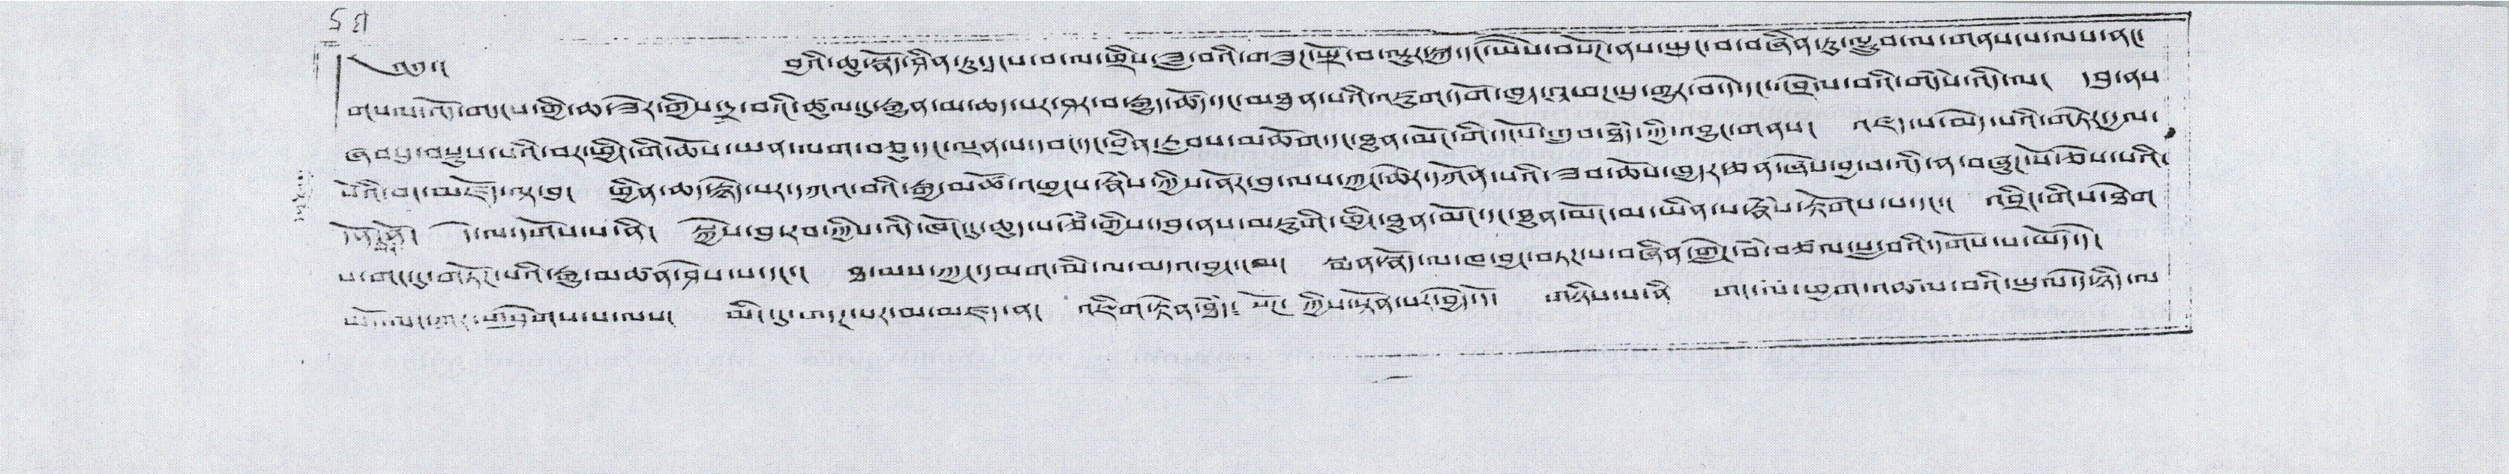བྱའི་ཆུ་སྣོད་ཤིན་ཏུ་དྭངས་པ་ལ་ཕྲིན་ལས་ཟླ་བའི་གཟུགས་སྤྲོ་བ་ལྟ་བུ་སྐུ་དང་ཡེ་ཤེས་བསོགས་ནས་སྤུངས་པ་བཞིན་དུ་ལྷུན་གྲུབ་ལ་གནས་པ་ལས་ནང་
གསལ་འོད་མདངས་ཀྱི་ཆ་ཟེར་གྱིས་དྲྭ་བའི་ཚུལ་དུ་རྒྱུན་མ་ཆད་པར་ཤར་བ་རྒྱུད་ཚོད་དང་མཐུན་པའི་འཇུག་སྒོ་ཁྱད་འཕགས་སུ་གྱུར་པ་དེ་དང་འབྲེལ་བའི་གདམས་པ་འདི་ལ། དབུ་ནས་
ཞབས་སུ་བསྡུས་པའི་བར་ཕྱི་ནང་གི་ཆོས་ཡན་ལག་བཅུ་དང་ལྡན་པ་དབང་དང་བྱིན་རླབས་མཆོག་དང་ཐུན་མོང་གི་དངོས་གྲུབ་ཐམས་ཅད་ཀྱི་འབྱུང་གནས་འཛད་པ་མེད་པའི་གཏེར་རྒྱལ་
པོའི་བང་མཛོད་ལྟ་བུ། ཕྱིན་ཆད་རྙེད་པར་དཀའ་བའི་རྒྱ་མཚོ་འཕྱངས་རྣམས་ཀྱིས་ནོར་བུ་ལས་ཀྱང་ཆེར་དཀོན་པའི་ཟབ་ཆོས་ཁྱད་པར་ཅན་བྱ་བ་འདི་ན་བཞུགས་སོ་ཅེས་པའི་
དོན་ནོ། །དེ་ལ་དགོས་པ་ནི་སྐྱེས་བུ་རབ་ཀྱིས་འདི་ཁོང་དུ་ཆུད་པ་ཙམ་གྱིས་དབུ་ནས་མཇུག་གི་ཕྱི་ནང་ཐུན་མོང་དང་ཐུན་མོང་མ་ཡིན་པ་རྣམས་རྟོགས་པ་དང་། འབྲིང་གིས་ཐེག་
པ་གང་དུ་རྟོགས་པའི་རྒྱུ་མཚན་ཤེས་པ་དང་། ཐ་མས་ཀྱང་དམག་མི་ལ་མདའ་བྱང་ངམ། སྨན་སྣོད་ལ་ཁ་བྱང་བཏགས་པ་བཞིན་གླེགས་བམ་བཙལ་སླ་བའི་དགོས་པ་ཡོད་དེ། 
མདོ་ལང་ཀར་གཤེགས་པ་ལས། མིང་དུ་གདགས་པ་མ་མཛད་ན། འཇིག་རྟེན་ཐམས་ཅད༑ སོགས་ཀྱིས་སྟོན་པར་བྱེད་དོ། གཉིས་པ་ནི། གང་ལ་ཕྱག་འཚལ་བའི་ཡུལ་དེ་ཉིད་ལ་